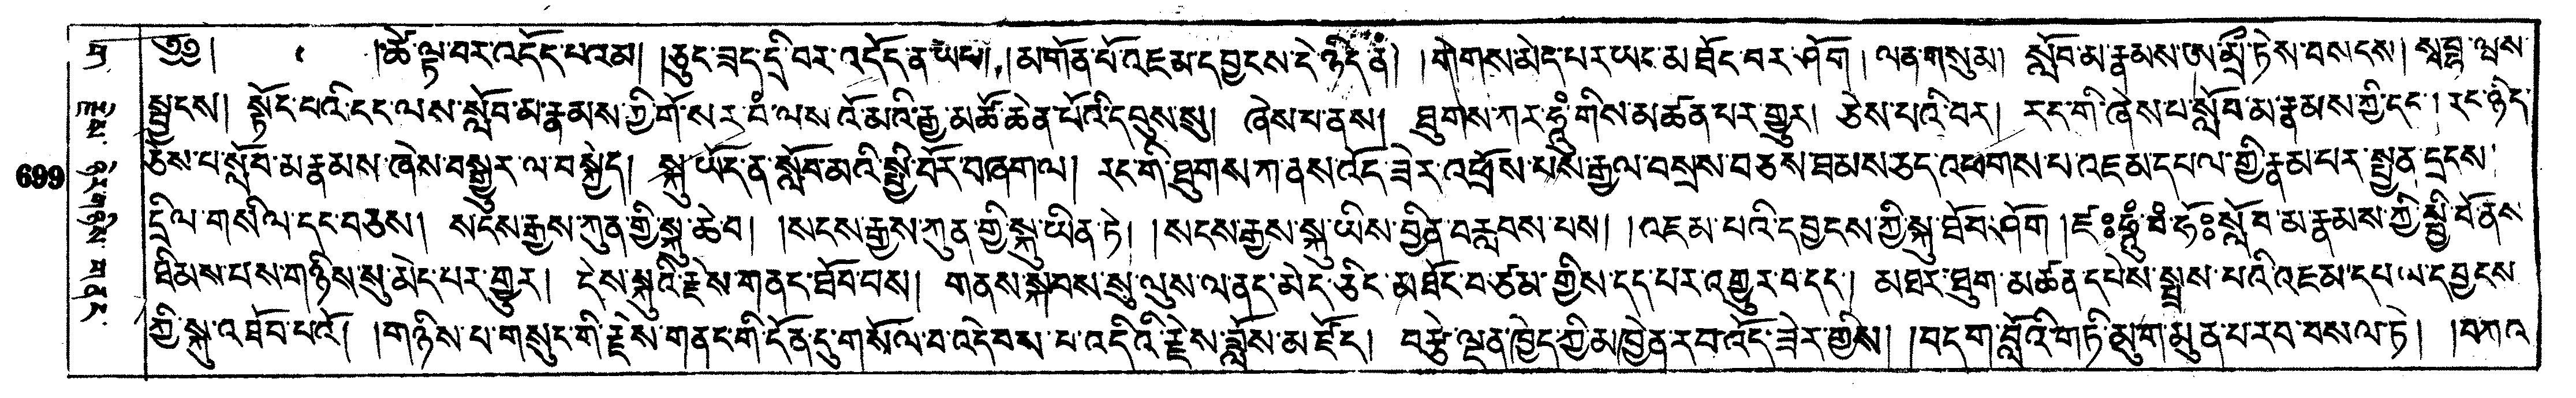༄༅། །ཚེ་ལྟ་བར་འདོད་པའམ། །ཅུང་ཟད་དྲི་བར་འདོད་ན་ཡང་། །མགོན་པོ་འཇམ་དབྱངས་དེ་ཉིད་ནི། །གེགས་མེད་པར་ཡང་མཐོང་བར་ཤོག །ལན་གསུམ། སློབ་མ་རྣམས་ཨ་མྲྀ་ཏེས་བསངས། སྭ་བྷ་ཝས་
སྦྱངས། སྟོང་པའི་ངང་ལས་སློབ་མ་རྣམས་ཀྱི་གོ་སར་བཾ་ལས་འོ་མའི་རྒྱ་མཚོ་ཆེན་པོའི་དབུས་སུ། ཞེས་པ་ནས། ཐུགས་ཀར་ཧཱུཾ་གིས་མཚན་པར་གྱུར། ཅེས་པའི་བར། རང་གི་ཞེས་པ་སློབ་མ་རྣམས་ཀྱི་དང་། རང་ཉིད་
ཅེས་པ་སློབ་མ་རྣམས་ཞེས་བསྒྱུར་ལ་བསྐྱེད། སྐུ་ཡོད་ན་སློབ་མའི་སྤྱི་བོར་བཞག་ལ། རང་གི་ཐུགས་ཀ་ནས་འོད་ཟེར་འཕྲོས་པས་རྒྱལ་བ་སྲས་བཅས་ཐམས་ཅད་འཕགས་པ་འཇམ་དཔལ་གྱི་རྣམ་པར་སྤྱན་དྲངས་
དྲིལ་གསིལ་དང་བཅས། སངས་རྒྱས་ཀུན་གྱི་སྐུ་ཆེ་བ། །སངས་རྒྱས་ཀུན་གྱི་སྐུ་ཡིན་ཏེ། །སངས་རྒྱས་སྐུ་ཡིས་བྱིན་བརླབས་པས། །འཇམ་པའི་དབྱངས་ཀྱི་སྐུ་ཐོབ་ཤོག །ཛཿ ཧཱུཾ་བཾ་ཧོཿ སློབ་མ་རྣམས་ཀྱི་སྤྱི་བོ་ནས་
ཐིམས་པས་གཉིས་སུ་མེད་པར་གྱུར། དེས་སྐུའི་རྗེས་གནང་ཐོབ་པས། གནས་སྐབས་སུ་ལུས་ལ་ནང་མེད་ཅིང་མཐོང་བ་ཙམ་གྱིས་དད་པར་འགྱུར་བ་དང་། མཐར་ཐུག་མཚན་དཔེས་སྤྲས་པའི་འཇམ་དཔལ་དབྱངས་
ཀྱི་སྐུ་འཐོབ་པའོ། །གཉིས་པ་གསུང་གི་རྗེས་གནང་གི་དོན་དུ་གསོལ་བ་འདེབས་པ་འདིའི་རྗེས་ཟློས་མཛོད། བརྩེ་ལྡན་ཁྱེད་ཀྱི་མཁྱེན་རབ་འོད་ཟེར་གྱིས། །བདག་བློའི་གཏི་མུག་མུན་པ་རབ་བསལ་ཏེ། །བཀའ་